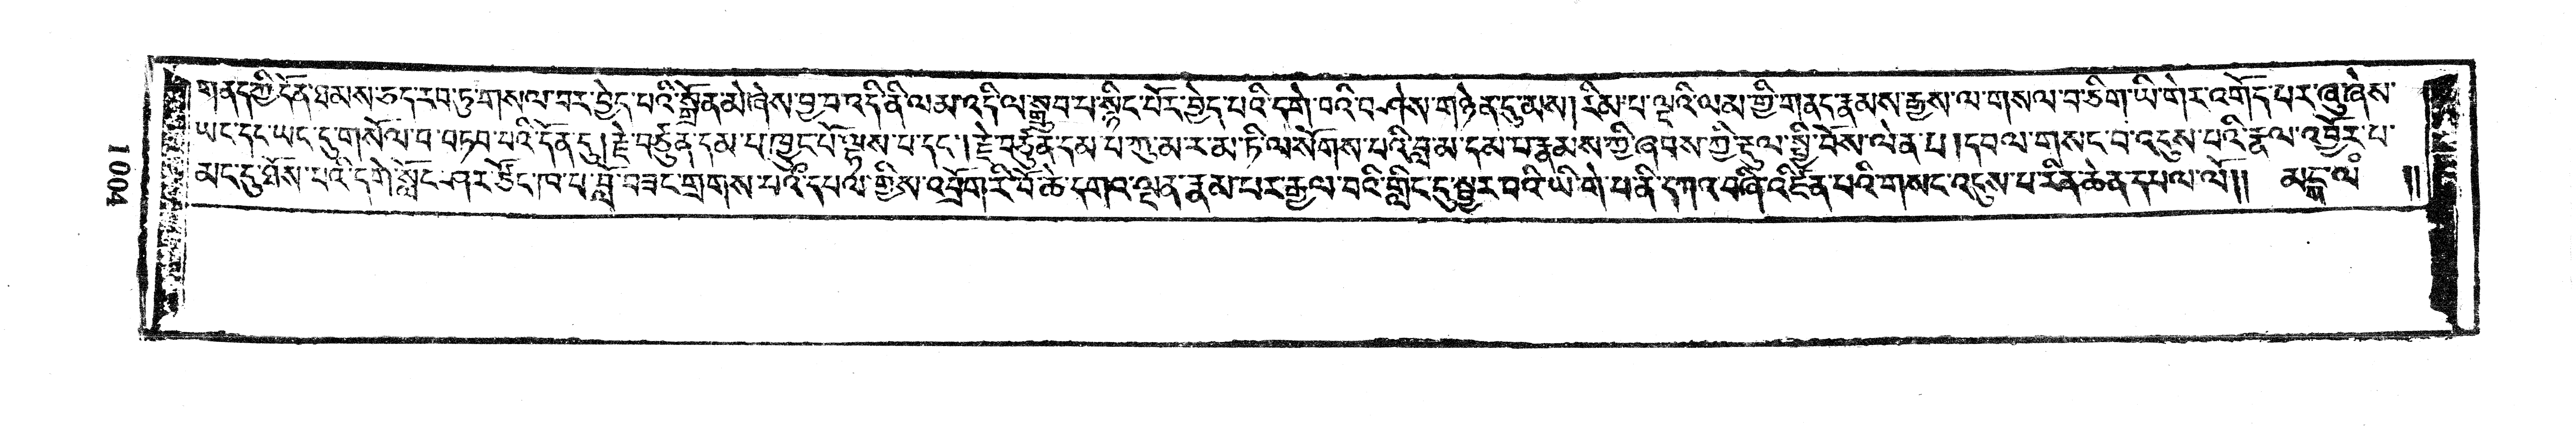གནད་ཀྱི་དོན་ཐམས་ཅད་རབ་ཏུ་གསལ་བར་བྱེད་པའི་སྒྲོན་མེ་ཞེས་བྱ་བ་འདི་ནི་ལམ་འདི་ལ་སྒྲུབ་པ་སྙིང་པོར་བྱེད་པའི་དགེ་བའི་བཤེས་གཉེན་དུ་མས། རིམ་པ་ལྔའི་ལམ་གྱི་གནད་རྣམས་རྒྱས་ལ་གསལ་བ་ཅིག་ཡི་གེར་འགོད་པར་ཞུ་ཞེས་
ཡང་དང་ཡང་དུ་གསོལ་བ་བཏབ་པའི་དོན་དུ། རྗེ་བཙུན་དམ་པ་ཁྱུང་པོ་ལྷས་པ་དང་། རྗེ་བཙུན་དམ་པ་ཀུ་མ་ར་མ་ཏི་ལ་སོགས་པའི་བླ་མ་དམ་པ་རྣམས་ཀྱི་ཞབས་ཀྱི་རྡུལ་སྤྱི་བོས་ལེན་པ། དཔལ་གསང་བ་འདུས་པའི་རྣལ་འབྱོར་པ་
མང་དུ་ཐོས་པའི་དགེ་སློང་ཤར་ཙོང་ཁ་པ་བློ་བཟང་གྲགས་པའི་དཔལ་གྱིས་འགྲོག་རི་བོ་ཆེ་དགའ་ལྡན་རྣམ་པར་རྒྱལ་བའི་གླིང་དུ་སྦྱར་བའི་ཡི་གེ་བ་པ་ནི་དཀའ་བཞི་འཛིན་པའི་གསང་འདུས་པ་རིན་ཆེན་དཔལ་ལོ།། མངྒ་ལཾ་།།